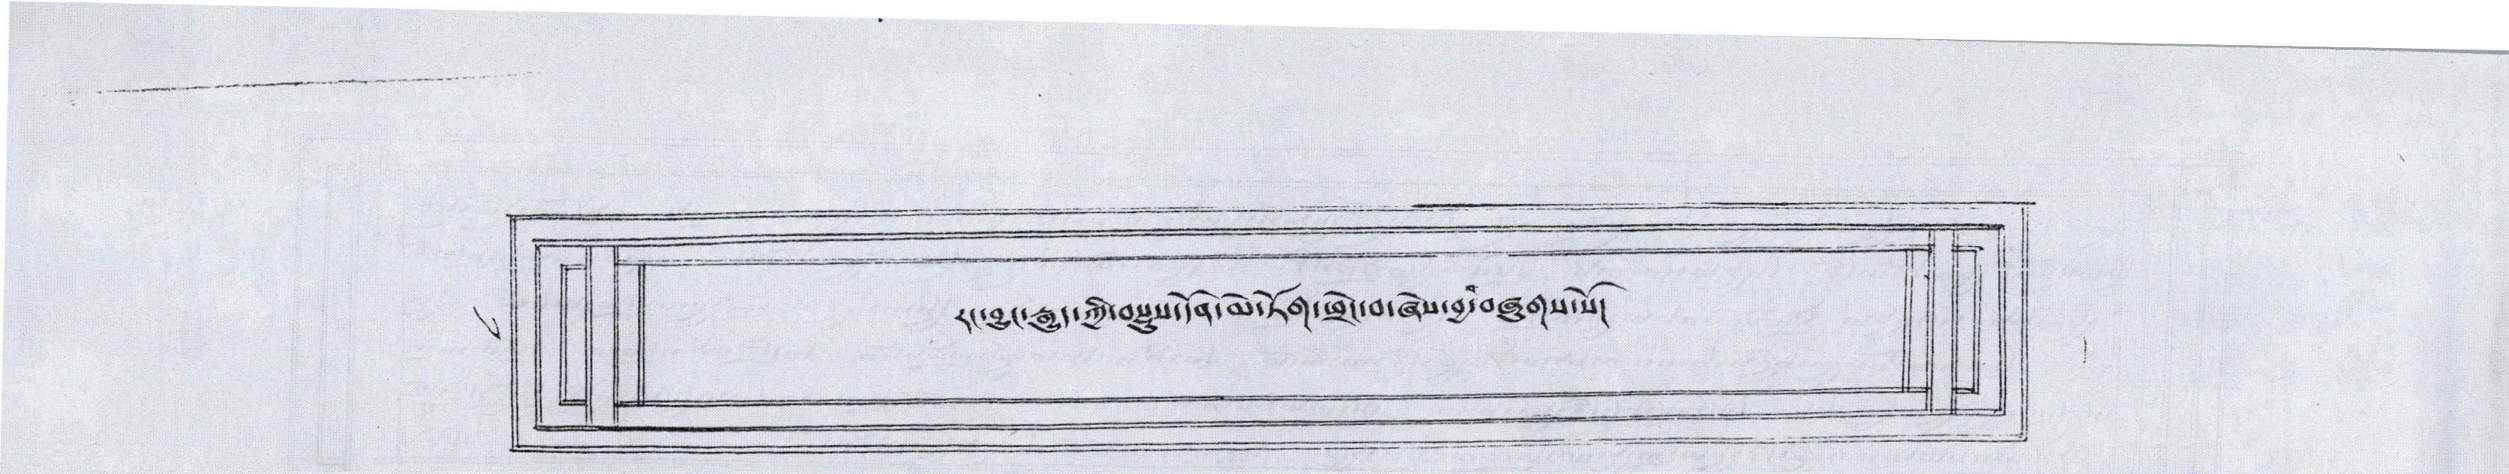རང་བྱུང་རྒྱུད་ཀྱི་བསྡུས་དོན་མེ་ཏོག་ཕྲེང་བ་ཞེས་བྱ་བ་བཞུགས་སོ།།